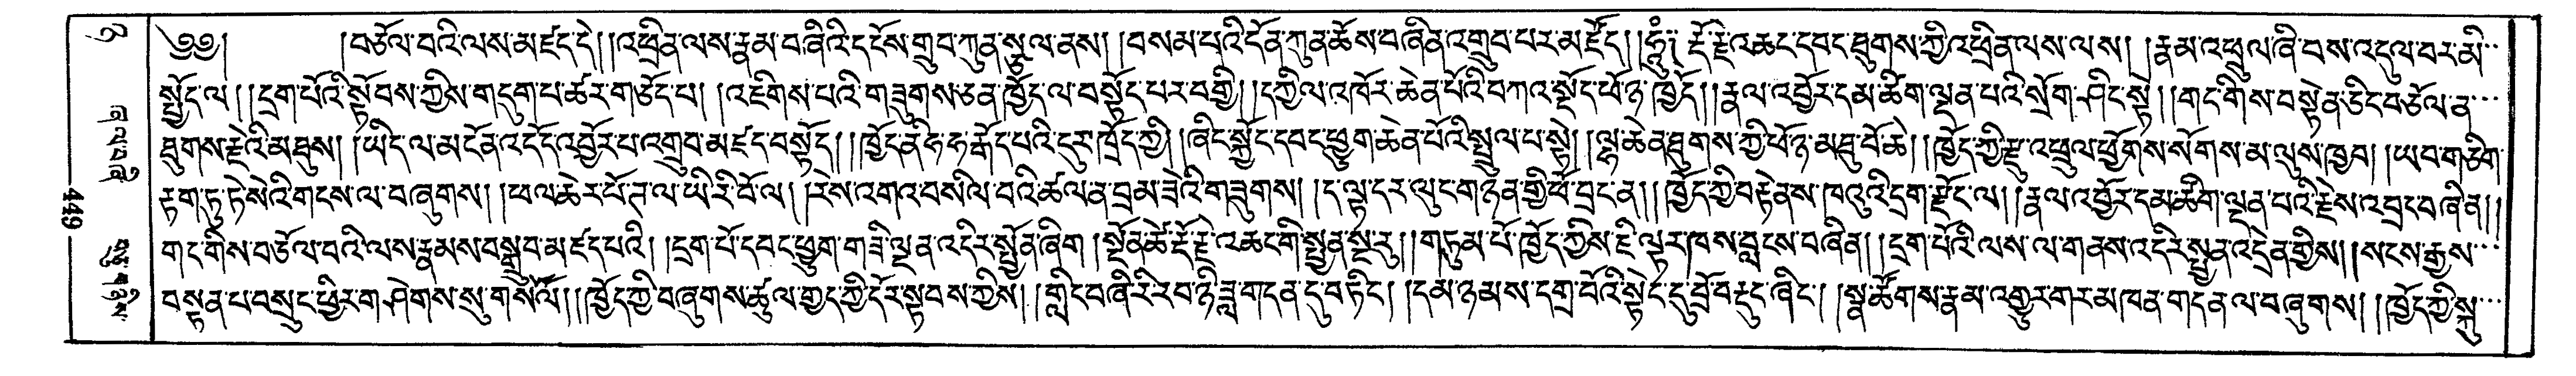༄༅། །བཅོལ་བའི་ལས་མཛད་དེ། །འཕྲིན་ལས་རྣམ་བཞིའི་དངོས་གྲུབ་ཀུན་སྩལ་ནས། །བསམ་པའི་དོན་ཀུན་ཆོས་བཞིན་འགྲུབ་པར་མཛོད། །ཧཱུཾ༑ རྡོ་རྗེ་འཆང་དབང་ཐུགས་ཀྱི་འཕྲིན་ལས་ལས། །རྣམ་འཕྲུལ་ཞི་བས་འདུལ་བར་མི་
སྤྱོད་ལ། །དྲག་པོའི་སྟབས་ཀྱིས་གདུག་པ་ཚར་གཅོད་པ། །འཇིགས་པའི་གཟུགས་ཅན་ཁྱོད་ལ་བསྟོད་པར་བགྱི། །དཀྱིལ་འཁོར་ཆེན་པོའི་བཀའ་སྔོད་ཕོ་ཉ་ཁྱོད། །རྣལ་འབྱོར་དམ་ཚིག་ལྡན་པའི་སྲོག་ཤིང་སྟེ། །གང་གིས་བསྟེན་ཅིང་བཅོལ་ན་
ཐུགས་རྗེའི་མཐུས། །ཡིད་ལ་མངོན་འདོད་འབྱོར་པ་འགྲུབ་མཛད་བསྟོད། །ཁྱོད་ནི་ཧ་ཧ་རྒོད་པའི་དུར་ཁྲོད་ཀྱི། །ཞིང་སྐྱོང་དབང་ཕྱུག་ཆེན་པོའི་སྤྲུལ་པ་སྟེ། །ལྷ་ཆེན་ཐུགས་ཀྱི་ཕོ་ཉ་མཐུ་བོ་ཆེ། །ཁྱོད་ཀྱི་རྫུ་འཕྲུལ་ཕྱོགས་སོགས་མ་ལུས་ཁྱབ། །ཡབ་གཅིག་
རྟག་ཏུ་ཏེ་སེའི་གངས་ལ་བཞུགས། །ཕལ་ཆེར་པོ་ཊ་ལ་ཡི་རི་བོ་ལ། །རེས་འགའ་བསིལ་བའི་ཚལ་ན་བྲམ་ཟེའི་གཟུགས། །ད་ལྟ་དར་ལུང་གཉན་གྱི་ཕོ་བྲང་ན། །ཁྱོད་ཀྱི་བརྟེན་ས་ཁའུའི་བྲག་རྫོད་ལ། །རྣལ་འབྱོར་དམ་ཚིག་ལྡན་པའི་རྗེས་འབྲང་བཞིན།།
གང་གིས་བཅོལ་བའི་ལས་རྣམས་བསྒྲུབ་མཛད་པའི། །དྲག་པོ་དབང་ཕྱུག་གཟི་ལྡན་འདིར་སྤྱོན་ཞིག །སྔོན་ཚེ་རྡོ་རྗེ་འཆང་གི་སྤྱན་སྔ་རུ། །གཏུམ་པོ་ཁྱོད་ཀྱིས་ཇི་ལྟར་ཁས་བླངས་བཞིན། །དྲག་པོའི་ལས་ལ་གནས་འདིར་སྤྱན་འདྲེན་གྱིས། །སངས་རྒྱས་
བསྟན་པ་བསྲུང་ཕྱིར་གཤེགས་སུ་གསོལ། །ཁྱོད་ཀྱི་བཞུགས་ཚུལ་གྱད་ཀྱི་དོར་སྟབས་ཀྱིས། །གླིང་བཞི་རི་རབ་ཉི་ཟླ་གདན་དུ་བཏིང་། །དམ་ཉམས་དགྲ་བོའི་སྟེང་དུ་བྲོ་བརྡུང་ཞིང་། །སྣ་ཚོགས་རྣམ་འགྱུར་གར་མཁན་གདན་ལ་བཞུགས། །ཁྱོད་ཀྱི་སྐུ་